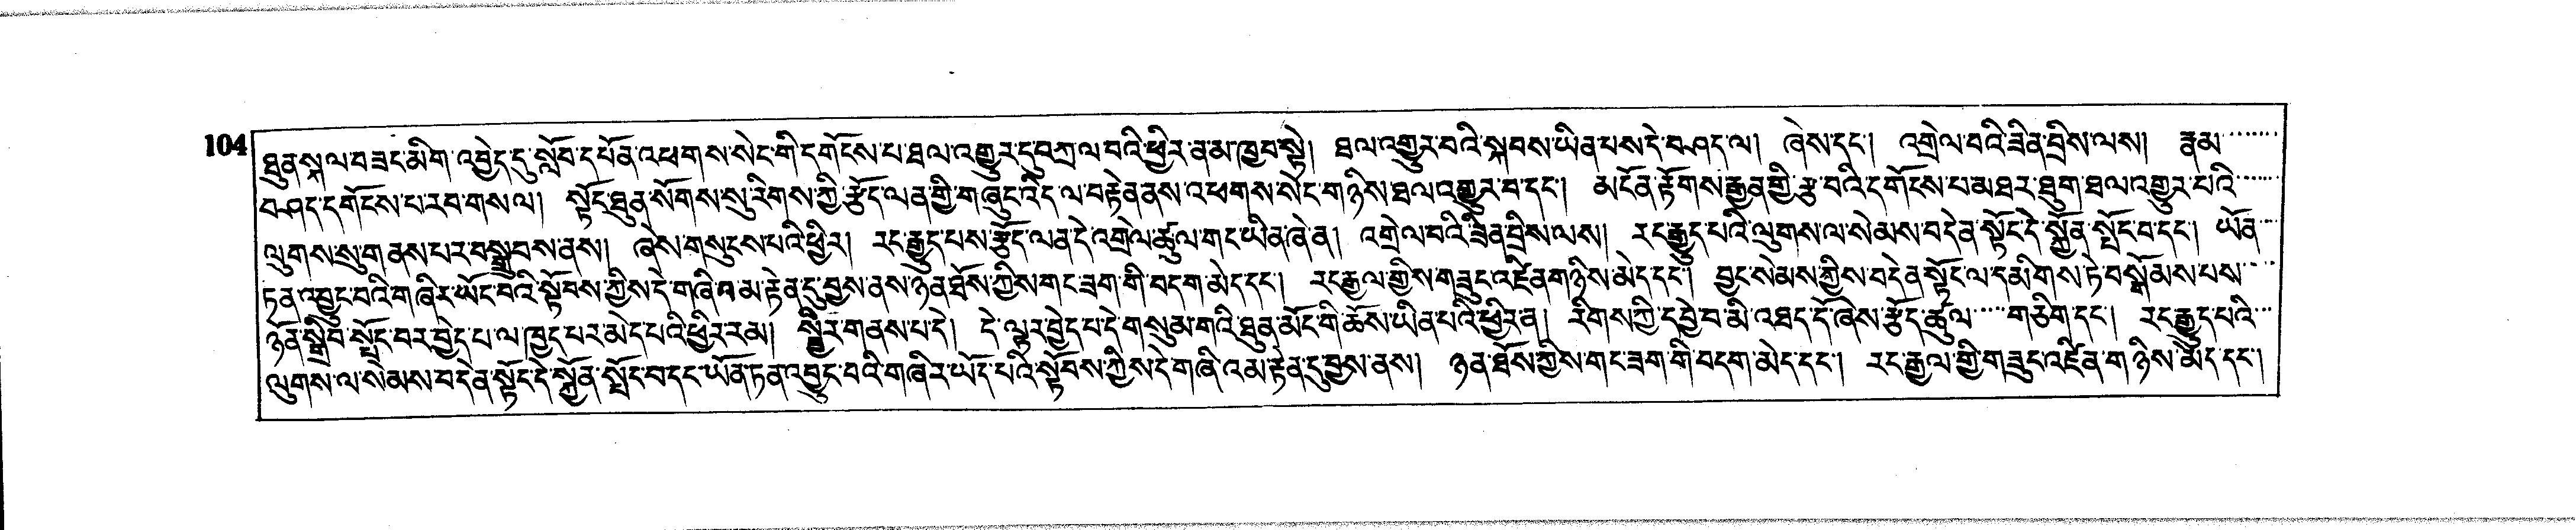ཐུན་སྐལ་བཟང་མིག་འབྱེད་དུ་སློབ་དཔོན་འཕགས་སེང་གི་དགོངས་པ་ཐལ་འགྱུར་དུ་བཀྲལ་བའི་ཕྱིར་ན་མ་ཁྱབ་སྟེ། ཐལ་འགྱུར་བའི་སྐབས་ཡིན་པས་དེ་བཤད་ལ། ཞེས་དང་། འགྲེལ་བའི་ཟིན་བྲིས་ལས། རྣམ་
བཤད་དགོངས་པ་རབ་གསལ། སྟོང་ཐུན་སོགས་སུ་རིགས་ཀྱི་རྩོད་ལན་གྱི་གཞུང་འདི་ལ་བརྟེན་ནས་འཕགས་སེང་གཉིས་ཐལ་འགྱུར་བ་དང་། མངོན་རྟོགས་རྒྱན་གྱི་རྩ་བའི་དགོངས་པ་མཐར་ཐུག་ཐལ་འགྱུར་བའི་
ལུགས་སུ་གནས་པར་བསྒྲུབས་ནས། ཞེས་གསུངས་པའི་ཕྱིར། རང་རྒྱུད་པས་རྩོད་ལན་དེ་འགྲེལ་ཚུལ་གང་ཡིན་ཞེ་ན། འགྲེལ་བའི་ཟིན་བྲིས་ལས། རང་རྒྱུད་པའི་ལུགས་ལ་སེམས་བདེན་སྟོང་དེ་སྐྱོན་སྤོང་བ་དང་། ཡོན་
ཏན་འབྱུང་བའི་གཞིར་ཡོང་བའི་སྟོབས་ཀྱིས་དེ་གཞིའམ་རྟེན་དུ་བྱས་ནས་ཉན་ཐོས་ཀྱིས་གང་ཟག་གི་བདག་མེད་དང་། རང་རྒྱལ་གྱིས་གཟུང་འཛིན་གཉིས་མེད་དང་། བྱང་སེམས་ཀྱིས་བདེན་སྟོང་ལ་དམིགས་ཏེ་བསྒོམས་པས་
ཉོན་སྒྲིབ་སྤོང་བར་བྱེད་པ་ལ་ཁྱད་པར་མེད་པའི་ཕྱིར་རམ། སྦྱིར་གནས་པ་དེ། དེ་ལྟར་བྱེད་པ་དེ་གསུམ་གའི་ཐུན་མོང་གི་ཆོས་ཡིན་པའི་ཕྱིར་ན། རིགས་ཀྱི་དབྱེ་བ་མི་འཐད་དོ་ཞེས་རྩོད་ཚུལ་གཅིག་དང་། རང་རྒྱུད་པའི་
ལུགས་ལ་སེམས་བདེན་སྟོང་དེ་སྐྱོན་སྤོང་བ་དང་ཡོན་ཏན་འབྱུང་བའི་གཞིར་ཡོད་པའི་སྟོབས་ཀྱིས་དེ་གཞི་འམ་རྟེན་དུ་བྱས་ནས། ཉན་ཐོས་ཀྱིས་གང་ཟག་གི་བདག་མེད་དང་། རང་རྒྱལ་གྱི་གཟུང་འཛིན་གཉིས་མེད་དང་།